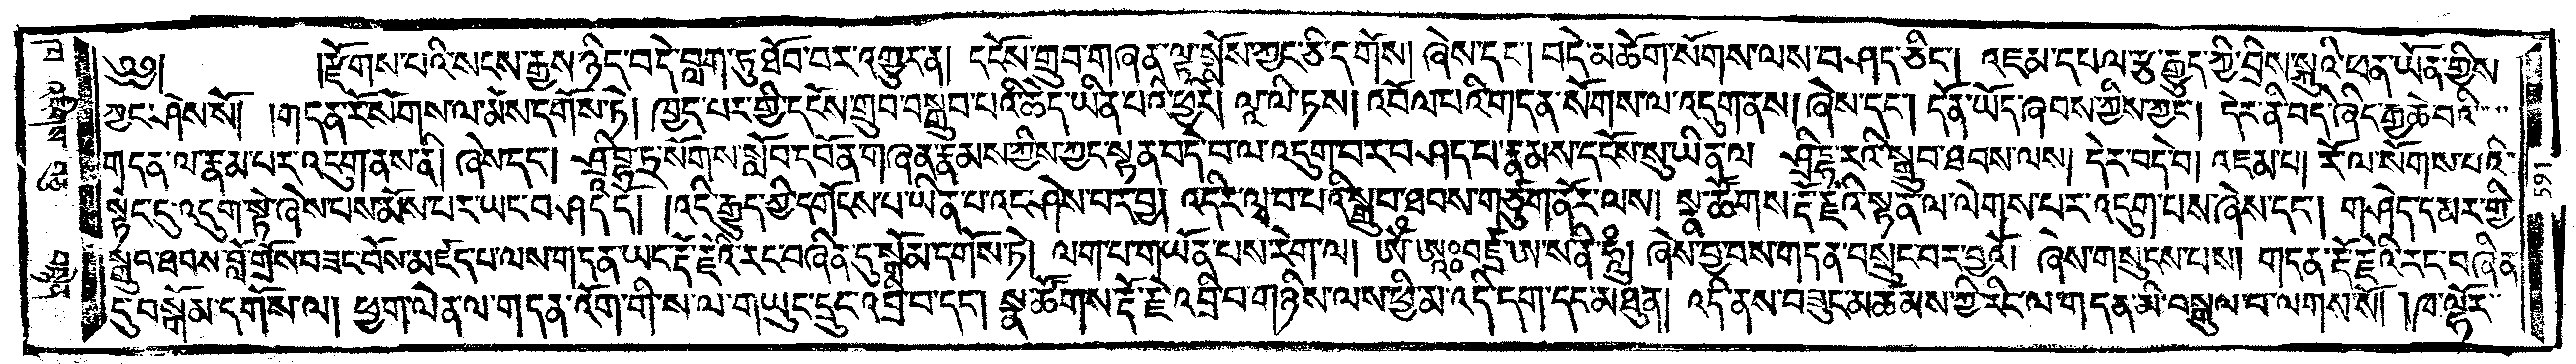༄༅། །རྫོགས་པའི་སངས་རྒྱས་ཉིད་བདེ་བླག་ཏུ་ཐོབ་བར་འགྱུར་ན། དངོས་གྲུབ་གཞན་ལྟ་སྨོས་ཀྱང་ཅི་དགོས། ཞེས་དང་། བདེ་མཆོག་སོགས་ལས་བཤད་ཅིང་། འཇམ་དཔལ་རྩ་རྒྱུད་ཀྱི་བྲིས་སྐུའི་ཕན་ཡོན་གྱིས་
ཀྱང་ཤེས་སོ། །གདན་རོ་སོགས་ལ་མོས་དགོས་ཏེ། ཁྱད་པར་གྱི་དངོས་གྲུབ་བསྒྲུབ་པའི་ཆེད་ཡིན་པའི་ཕྱིར། ལཱ་ལི་ཏས། འབོལ་པའི་གདན་སོགས་ལ་འདུག་ནས། ཞེས་དང་། དོན་ཡོད་ཞབས་ཀྱིས་ཀྱང་། དེར་ནི་བདེ་ཞིང་རྒྱ་ཆེ་བའི་
གདན་ལ་རྣམ་པར་འདུག་ནས་ནི། ཞེས་དང་། ཤྲཱི་བྷ་ཏྲ་སོགས་སློབ་དཔོན་གཞན་རྣམས་ཀྱིས་ཀྱང་སྟན་བདེ་བ་ལ་འདུག་པར་བཤད་པ་རྣམས་དངོས་སུ་ཡིན་ལ་ཤྲི་དྷ་རའི་སྒྲུབ་ཐབས་ལས། དེར་བདེ་བ། འཇམ་པ། རོ་ལ་སོགས་པའི་
སྟེང་དུ་འདུག་སྟེ་ཞེས་པས་མོས་པར་ཡང་བཤད་དོ། །འདི་རྒྱུད་ཀྱི་དགོངས་པ་ཡིན་པ་འང་ཤེས་པར་བྱ། འདིར་ལྭ་བ་པའི་སྒྲུབ་ཐབས་གཙུག་ཏོར་ལས། སྣ་ཚོགས་རྡོ་རྗེའི་སྟན་ལ་ལེགས་པར་འདུག་པས་ཞེས་དང་། གཤེད་དམར་གྱི་
སྒྲུབ་ཐབས་བློ་གྲོས་བཟང་པོས་མཛད་པ་ལས་གདན་ཡང་རྡོ་རྗེའི་རང་བཞིན་དུ་སྒོམ་དགོས་ཏེ། ལག་པ་གཡོན་པས་རེག་ལ། ཨོཾ་ཨཱཿབཛྲ་ཨ་ས་ནི་ཧཱུཾ། ཞེས་བྱ་བས་གདན་བསྲུང་བར་བྱའོ། ཞེས་གསུངས་པས། གདན་རྡོ་རྗེའི་རང་བཞིན་
དུ་བསྒོམ་དགོས་ལ། ཕྱག་ལེན་ལ་གདན་འོག་གི་ས་ལ་གཡུང་དྲུང་འབྲི་བ་དང་། སྣ་ཚོགས་རྡོ་རྗེ་འབྲི་བ་གཉིས་ལས་ཕྱི་མ་འདི་དག་དང་མཐུན། འདི་ནས་བཟུང་མཚམས་ཀྱི་རིང་ལ་གདན་མི་བསྒུལ་བ་ལགས་སོ། །ཁ་ལྷོར་